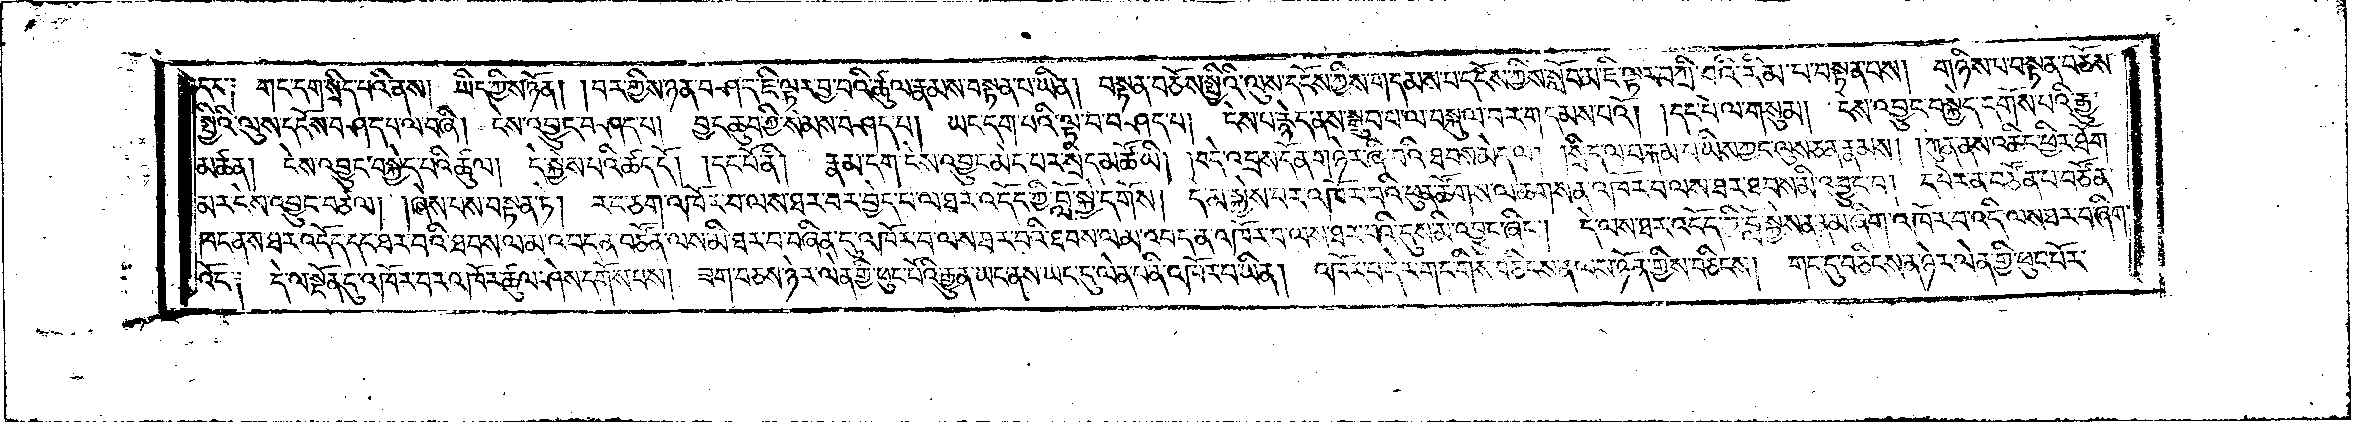དང༑ གང་དག་སྲིད་པའི་ནས། ཡིད་ཀྱིས་ཉོན། །བར་གྱིས་ཉན་བཤད་ཇི་ལྟར་བྱ་བའི་ཚུལ་རྣམས་བསྟན་པ་ཡིན། བསྟན་བཅོས་སྤྱིའི་ལུས་དངོས་ཀྱིས་གདམས་པ་དངོས་ཀྱིས་སློབ་མ་ཇི་ལྟར་བཀྲི་བའི་རིམ་པ་བསྟན་པས། གཉིས་པ་བསྟན་བཅོས་
སྤྱིའི་ལུས་དངོས་བཤད་པ་ལ་བཞི། ངེས་འབྱུང་བཤད་པ། བྱང་ཆུབ་ཀྱི་སེམས་བཤད་པ། ཡང་དག་པའི་ལྟ་བ་བཤད་པ། ངེས་པ་རྙེད་ནས་སྒྲུབ་པ་ལ་བསྐུལ་བར་གདམས་པའོ། །དང་པོ་ལ་གསུམ། ངེས་འབྱུང་བསྐྱེད་དགོས་པའི་རྒྱུ་
མཚན། ངེས་འབྱུང་བསྐྱེད་པའི་ཚུལ། དེ་སྐྱེས་པའི་ཚད་དོ། །དང་པོ་ནི། རྣམ་དག་ངེས་འབྱུང་མེད་པར་སྲིད་མཚོ་ཡི། །བདེ་འབྲས་དོན་གཉེར་ཞི་བའི་ཐབས་མེད་ལ། །སྲིད་ལ་བརྐམ་པ་ཡིས་ཀྱང་ལུས་ཅན་རྣམས། །ཀུན་ནས་འཆིང་ཕྱིར་ཐོག་
མར་ངེས་འབྱུང་བཙལ། །ཞེས་པས་བསྟན་ཏེ། རང་ཅག་འཁོར་བ་ལས་ཐར་བར་བྱེད་པ་ལ་ཐར་འདོད་ཀྱི་བློ་སྐྱེ་དགོས། དེ་མ་སྐྱེས་པར་འཁོར་བའི་ཕུན་ཚོགས་ལ་ཆགས་ན་འཁོར་བ་ལས་ཐར་ཐབས་མི་འབྱུང་བ། དཔེར་ན་བཙོན་པ་བཙོན་
ཁང་ནས་ཐར་འདོད་དང་ཐར་བའི་ཐབས་ལ་མ་འབད་ན་བཙོན་ལས་མི་ཐར་བ་བཞིན་དུ་འཁོར་བ་ལས་ཐར་བའི་ཐབས་ལ་མ་འབད་ན་འཁོར་བ་ལས་ཐར་བའི་དུས་མི་འབྱུང་ཞིང་། དེ་ལས་ཐར་འདོད་ཀྱི་བློ་སྐྱེས་ན་ནམ་ཞིག་འཁོར་བ་འདི་ལས་ཐར་བ་ཞིག་
འོང༑ དེ་ལ་སྔོན་དུ་འཁོར་བར་འཁོར་ཚུལ་ཤེས་དགོས་པས། ཟག་བཅས་ཉེར་ལེན་གྱི་ཕུང་པོའི་རྒྱུན་ཡང་ནས་ཡང་དུ་ལེན་པ་ནི་འཁོར་བ་ཡིན། འཁོར་བ་དེར་གང་གིས་བཅིངས་ན་ལས་ཉོན་གྱིས་བཅིངས། གང་དུ་བཅིངས་ན་ཉེར་ལེན་གྱི་ཕུང་པོར་